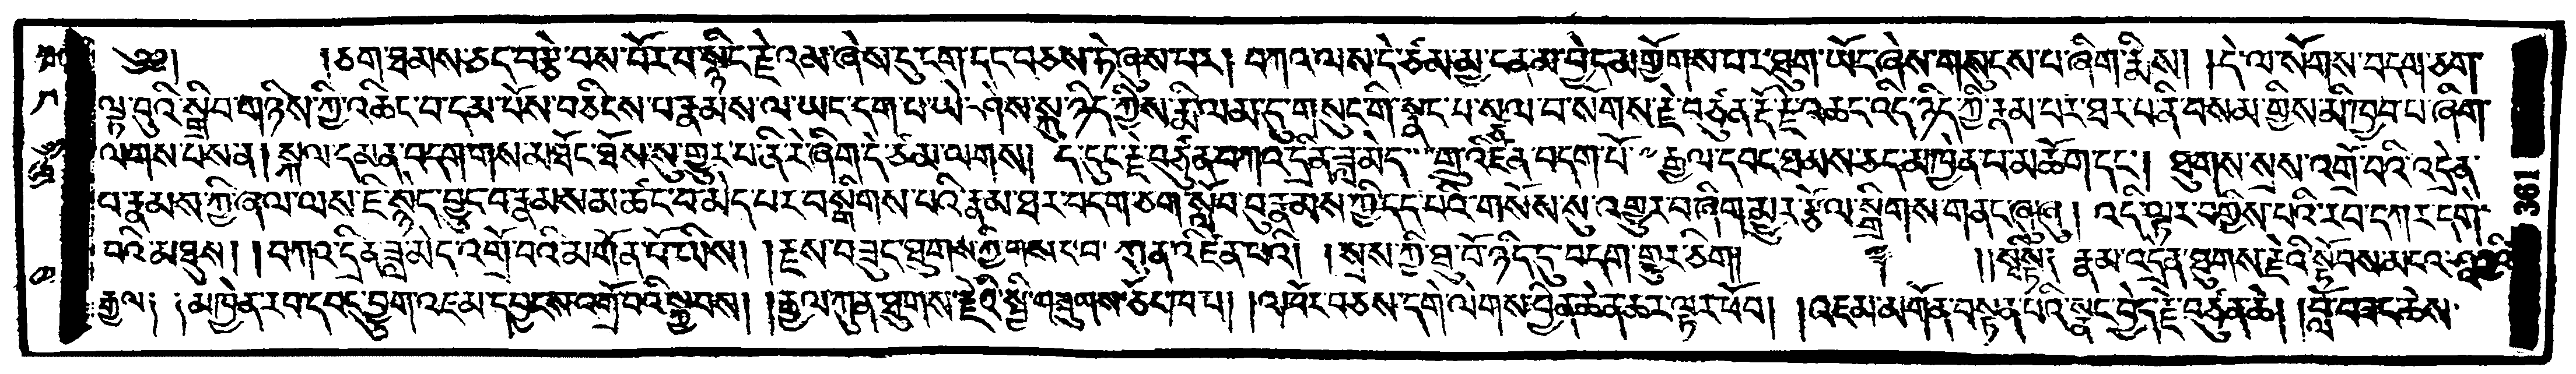༄༅། །ཅག་ཐམས་ཅད་བརྩེ་བས་བོར་བ་སྙིང་རྗེ་འམ་ཞེས་དུ་ངག་དང་བཅས་ཏེ་ཞུས་པར། བཀའ་ལས་དེ་ཙམ་མྱ་ངན་མ་བྱེད་མགྱོགས་པར་ཐུག་ཡོད་ཞེས་གསུངས་པ་ཞིག་རྨིས། །དེ་ལ་སོགས་བདག་ཅག་
ལྟ་བུའི་སྒྲིབ་གཉིས་ཀྱི་འཆིང་བ་དམ་པོས་བཅིངས་པ་རྣམས་ལ་ཡང་དག་པ་ཡེ་ཤེས་སྐུ་ཉིད་ཀྱིས་རྨི་ལམ་དུ་གསུང་གི་སྣང་བ་སྩལ་བ་སོགས་རྗེ་བཙུན་རྡོ་རྗེ་འཆང་འདི་ཉིད་ཀྱི་རྣམ་པར་ཐར་པ་ནི་བསམ་གྱིས་མི་ཁྱབ་པ་ཞིག་
ལགས་པས་ན། སྐལ་དམན་བདག་གས་མཐོང་ཐོས་སུ་གྱུར་པ་ནི་རེ་ཞིག་དེ་ཙམ་ལགས། ད་དུང་རྗེ་བཙུན་བཀའ་དྲིན་ཟླ་མེད་གྲུ་འཛིན་བདག་པོ ༧་རྒྱལ་དབང་ཐམས་ཅད་མཁྱེན་པ་མཆོག་དང་། ཐུགས་སྲས་འགྲོ་བའི་འདྲེན་
པ་རྣམས་ཀྱི་ཞལ་ལས་ཇི་སྙེད་བྱུང་བ་རྣམས་མ་ཚང་བ་མེད་པར་བསྒིགས་པའི་རྣམ་ཐར་བདག་ཅག་སློབ་བུ་རྣམས་ཀྱི་དད་པའི་གསོས་སུ་འགྱུར་བ་ཞིག་མྱུར་རྩོལ་སྒྲིགས་གནང་ཞུ་ཞུ། འདི་ལྟར་བགྱིས་པའི་རབ་དཀར་དགེ་
བའི་མཐུས། །བཀའ་དྲིན་ཟླ་མེད་འགྲོ་བའི་མགོན་པོ་ཡིས། །རྗེས་བཟུང་ཐུགས་ཀྱི་གསང་བ་ཀུན་འཛིན་པའི། །སྲས་ཀྱི་ཐུ་བོ་ཉིད་དུ་བདག་གྱུར་ཅིག། ༈ །།སྭསྟི། རྣམ་འདྲེན་ཐུགས་རྗེའི་སྟོབས་མངའ་ཤཱཀྱའི་
རྒྱལ། །མཁྱེན་རབ་དབང་བྱུག་འཇམ་དབྱངས་འགྲོ་བའི་སྐྱབས། །རྒྱལ་ཀུན་ཐུགས་རྗེའི་སྤྱི་གཟུགས་ཙོང་ཁ་པ། །འཁོར་བཅས་དགེ་ལེགས་བྱིན་ཆེན་ཆར་ལྟར་ཕོབ། །འཇམ་མགོན་བསྟན་པའི་སྣང་བྱེད་རྗེ་བཙུན་ཆེ། །བློ་བཟང་ཆེས་